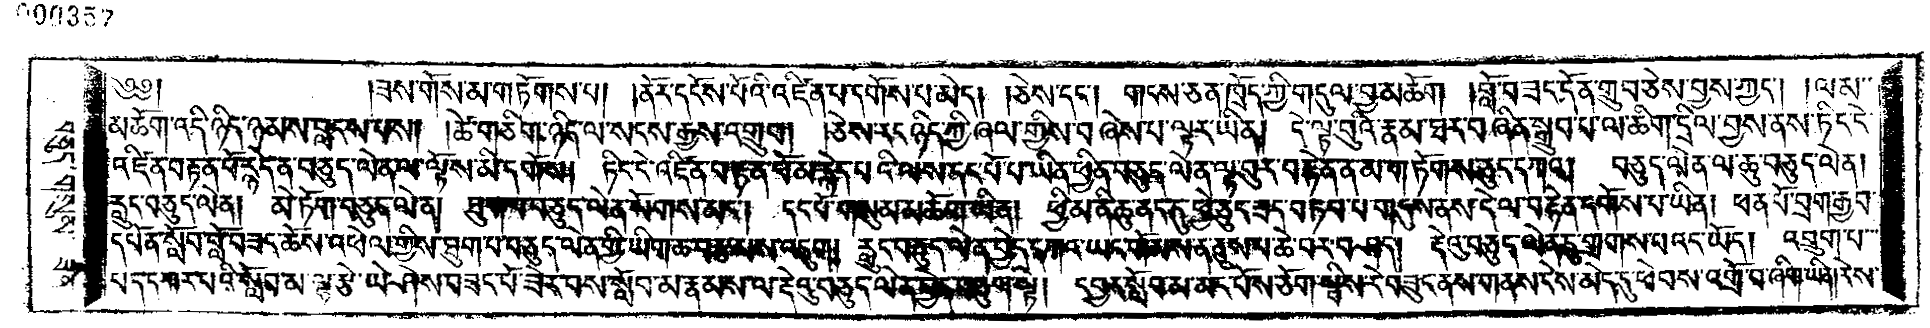༄༅། །ཟས་གོས་མ་གཏོགས་པ། །ནོར་དངོས་པོའི་འཛིན་པ་དགོས་པ་མེད། །ཅེས་དང་། གངས་ཅན་ཁྲོད་ཀྱི་གདུལ་བྱ་མཆོག །བློ་བཟང་དོན་གྲུབ་ཅེས་བྱས་ཀྱང་། །ལམ་
མཆོག་འདི་ཉིད་ཉམས་བླངས་པས། །ཚེ་གཅིག་ཉིད་ལ་སངས་རྒྱས་འགྲུབ། །ཅེས་རང་ཉིད་ཀྱི་ཞལ་གྱིས་བཞེས་པ་ལྟར་ཡིན། དེ་ལྟ་བུའི་རྣམ་ཐར་བཞིན་སྒྲུབ་པ་ལ་ཆིག་དྲིལ་བྱས་ནས་ཏིང་ངེ་
འཛིན་བརྟན་པོ་རྙེད་ན་བཅུད་ལེན་ལ་ལྟོས་མི་དགོས། ཏིང་ངེ་འཛིན་བརྟན་པོ་མ་རྙེད་པའི་ལས་དང་པོ་པ་ཡིན་ཕྱིན་བཅུད་ལེན་ལྟ་བུར་བརྟེན་ན་མ་གཏོགས་ཅུང་དཀའ། བཅུད་ལེན་ལ་ཆུ་བཅུད་ལེན།
རླུང་བཅུད་ལེན། མེ་ཏོག་བཅུད་ལེན། ཐུག་པ་བཅུད་ལེན་སོགས་མང་། དང་པོ་གསུམ་མཆོག་ཡིན། ཕྱི་མ་ནི་ཆུ་ནང་དུ་ཕྱེ་ཅུང་ཟད་བཏབ་པ་གདུས་ནས་དེ་ལ་བརྟེན་དགོས་པ་ཡིན། ཕན་པོ་བྲག་རྒྱབ་
དཔོན་སློབ་བློ་བཟང་ཆོས་འཕེལ་གྱིས་ཐུག་པ་བཅུད་ལེན་གྱི་ཡིག་ཆ་བརྩམས་འདུག །རླུང་བཅུད་ལེན་བྱེད་དཀའ་ཡང་གོམས་ན་ནུས་པ་ཆེ་བར་བཤད། རྡེའུ་བཅུད་ལེན་དུ་གྲགས་པའང་ཡོད། འབྲུག་པ་
པད་དཀར་པའི་སློབ་མ་ལྷ་རྩེ་ཡེ་ཤེས་བཟང་པོ་ཟེར་བས་སློབ་མ་རྣམས་ལ་རྡེའུ་བཅུད་ལེན་བྱེད་བཅུག་སྟེ། དབྱར་སློབ་མ་མང་པོས་ཅོག་སྦིས་རེ་བཟུང་ནས་གནས་ངེས་མེད་དུ་ཕེབས་འགྲོ་བ་ཞིག་ཡིན། རེས་